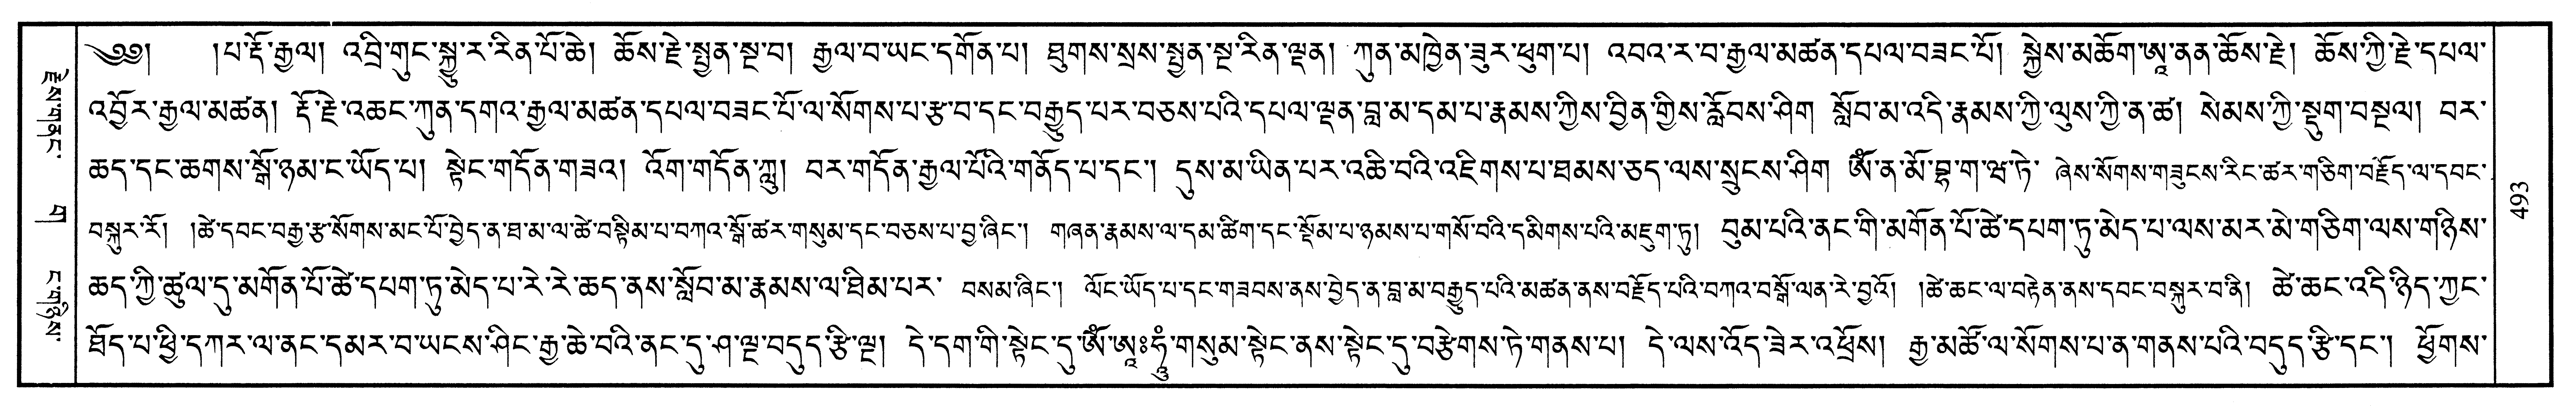༄༅། །པ་རྡོ་རྒྱལ། འབྲི་གུང་སྐྱུ་ར་རིན་པོ་ཆེ། ཆོས་རྗེ་སྤྱན་སྔ་བ། རྒྱལ་བ་ཡང་དགོན་པ། ཐུགས་སྲས་སྤྱན་སྔ་རིན་ལྡན། ཀུན་མཁྱེན་ཟུར་ཕུག་པ། འབའ་ར་བ་རྒྱལ་མཚན་དཔལ་བཟང་པོ། སྐྱེས་མཆོག་ཨཱ་ནན་ཆོས་རྗེ། ཆོས་ཀྱི་རྗེ་དཔལ་
འབྱོར་རྒྱལ་མཚན། རྡོ་རྗེ་འཆང་ཀུན་དགའ་རྒྱལ་མཚན་དཔལ་བཟང་པོ་ལ་སོགས་པ་རྩ་བ་དང་བརྒྱུད་པར་བཅས་པའི་དཔལ་ལྡན་བླ་མ་དམ་པ་རྣམས་ཀྱིས་བྱིན་གྱིས་རློབས་ཤིག་སློབ་མ་འདི་རྣམས་ཀྱི་ལུས་ཀྱི་ན་ཚ། སེམས་ཀྱི་སྡུག་བསྔལ། བར་
ཆད་དང་ཆགས་སྒོ་ཉམ་ང་ཡོད་པ། སྟེང་གདོན་གཟའ། འོག་གདོན་ཀླུ། བར་གདོན་རྒྱལ་པོའི་གནོད་པ་དང་། དུས་མ་ཡིན་པར་འཆི་བའི་འཇིགས་པ་ཐམས་ཅད་ལས་སྲུངས་ཤིག་ཨོཾ་ན་མོ་བྷ་ག་ཝ་ཏེ་ཞེས་སོགས་གཟུངས་རིང་ཚར་གཅིག་བརྗོད་ལ་དབང་
བསྐུར་རོ། །ཚེ་དབང་བརྒྱ་རྩ་སོགས་མང་པོ་བྱེད་ན་ཐ་མ་ལ་ཚེ་བསྟིམ་པ་བཀའ་སྒོ་ཚར་གསུམ་དང་བཅས་པ་བྱ་ཞིང་། གཞན་རྣམས་ལ་དམ་ཚིག་དང་སྡོམ་པ་ཉམས་པ་གསོ་བའི་དམིགས་པའི་མཇུག་ཏུ། བུམ་པའི་ནང་གི་མགོན་པོ་ཚེ་དཔག་ཏུ་མེད་པ་ལས་མར་མེ་གཅིག་ལས་གཉིས་
ཆད་ཀྱི་ཚུལ་དུ་མགོན་པོ་ཚེ་དཔག་ཏུ་མེད་པ་རེ་རེ་ཆད་ནས་སློབ་མ་རྣམས་ལ་ཐིམ་པར་བསམ་ཞིང་། ལོང་ཡོད་པ་དང་གཟབས་ནས་བྱེད་ན་བླ་མ་བརྒྱུད་པའི་མཚན་ནས་བརྗོད་པའི་བཀའ་བསྒོ་ལན་རེ་བྱའོ། །ཚེ་ཆང་ལ་བརྟེན་ནས་དབང་བསྐུར་བ་ནི། ཚེ་ཆང་འདི་ཉིད་ཀྱང་
ཐོད་པ་ཕྱི་དཀར་ལ་ནང་དམར་བ་ཡངས་ཤིང་རྒྱ་ཆེ་བའི་ནང་དུ་ཤ་ལྔ་བདུད་རྩི་ལྔ། དེ་དག་གི་སྟེང་དུ་ཨོཾ་ཨཱཿ ཧཱུཾ་གསུམ་སྟེང་ནས་སྟེང་ནས་སྟེང་དུ་བརྩེགས་ཏེ་གནས་པ། དེ་ལས་འོད་ཟེར་འཕྲོས། རྒྱ་མཚོ་ལ་སོགས་པ་ན་གནས་པའི་བདུད་རྩི་དང་། ཕྱོགས་